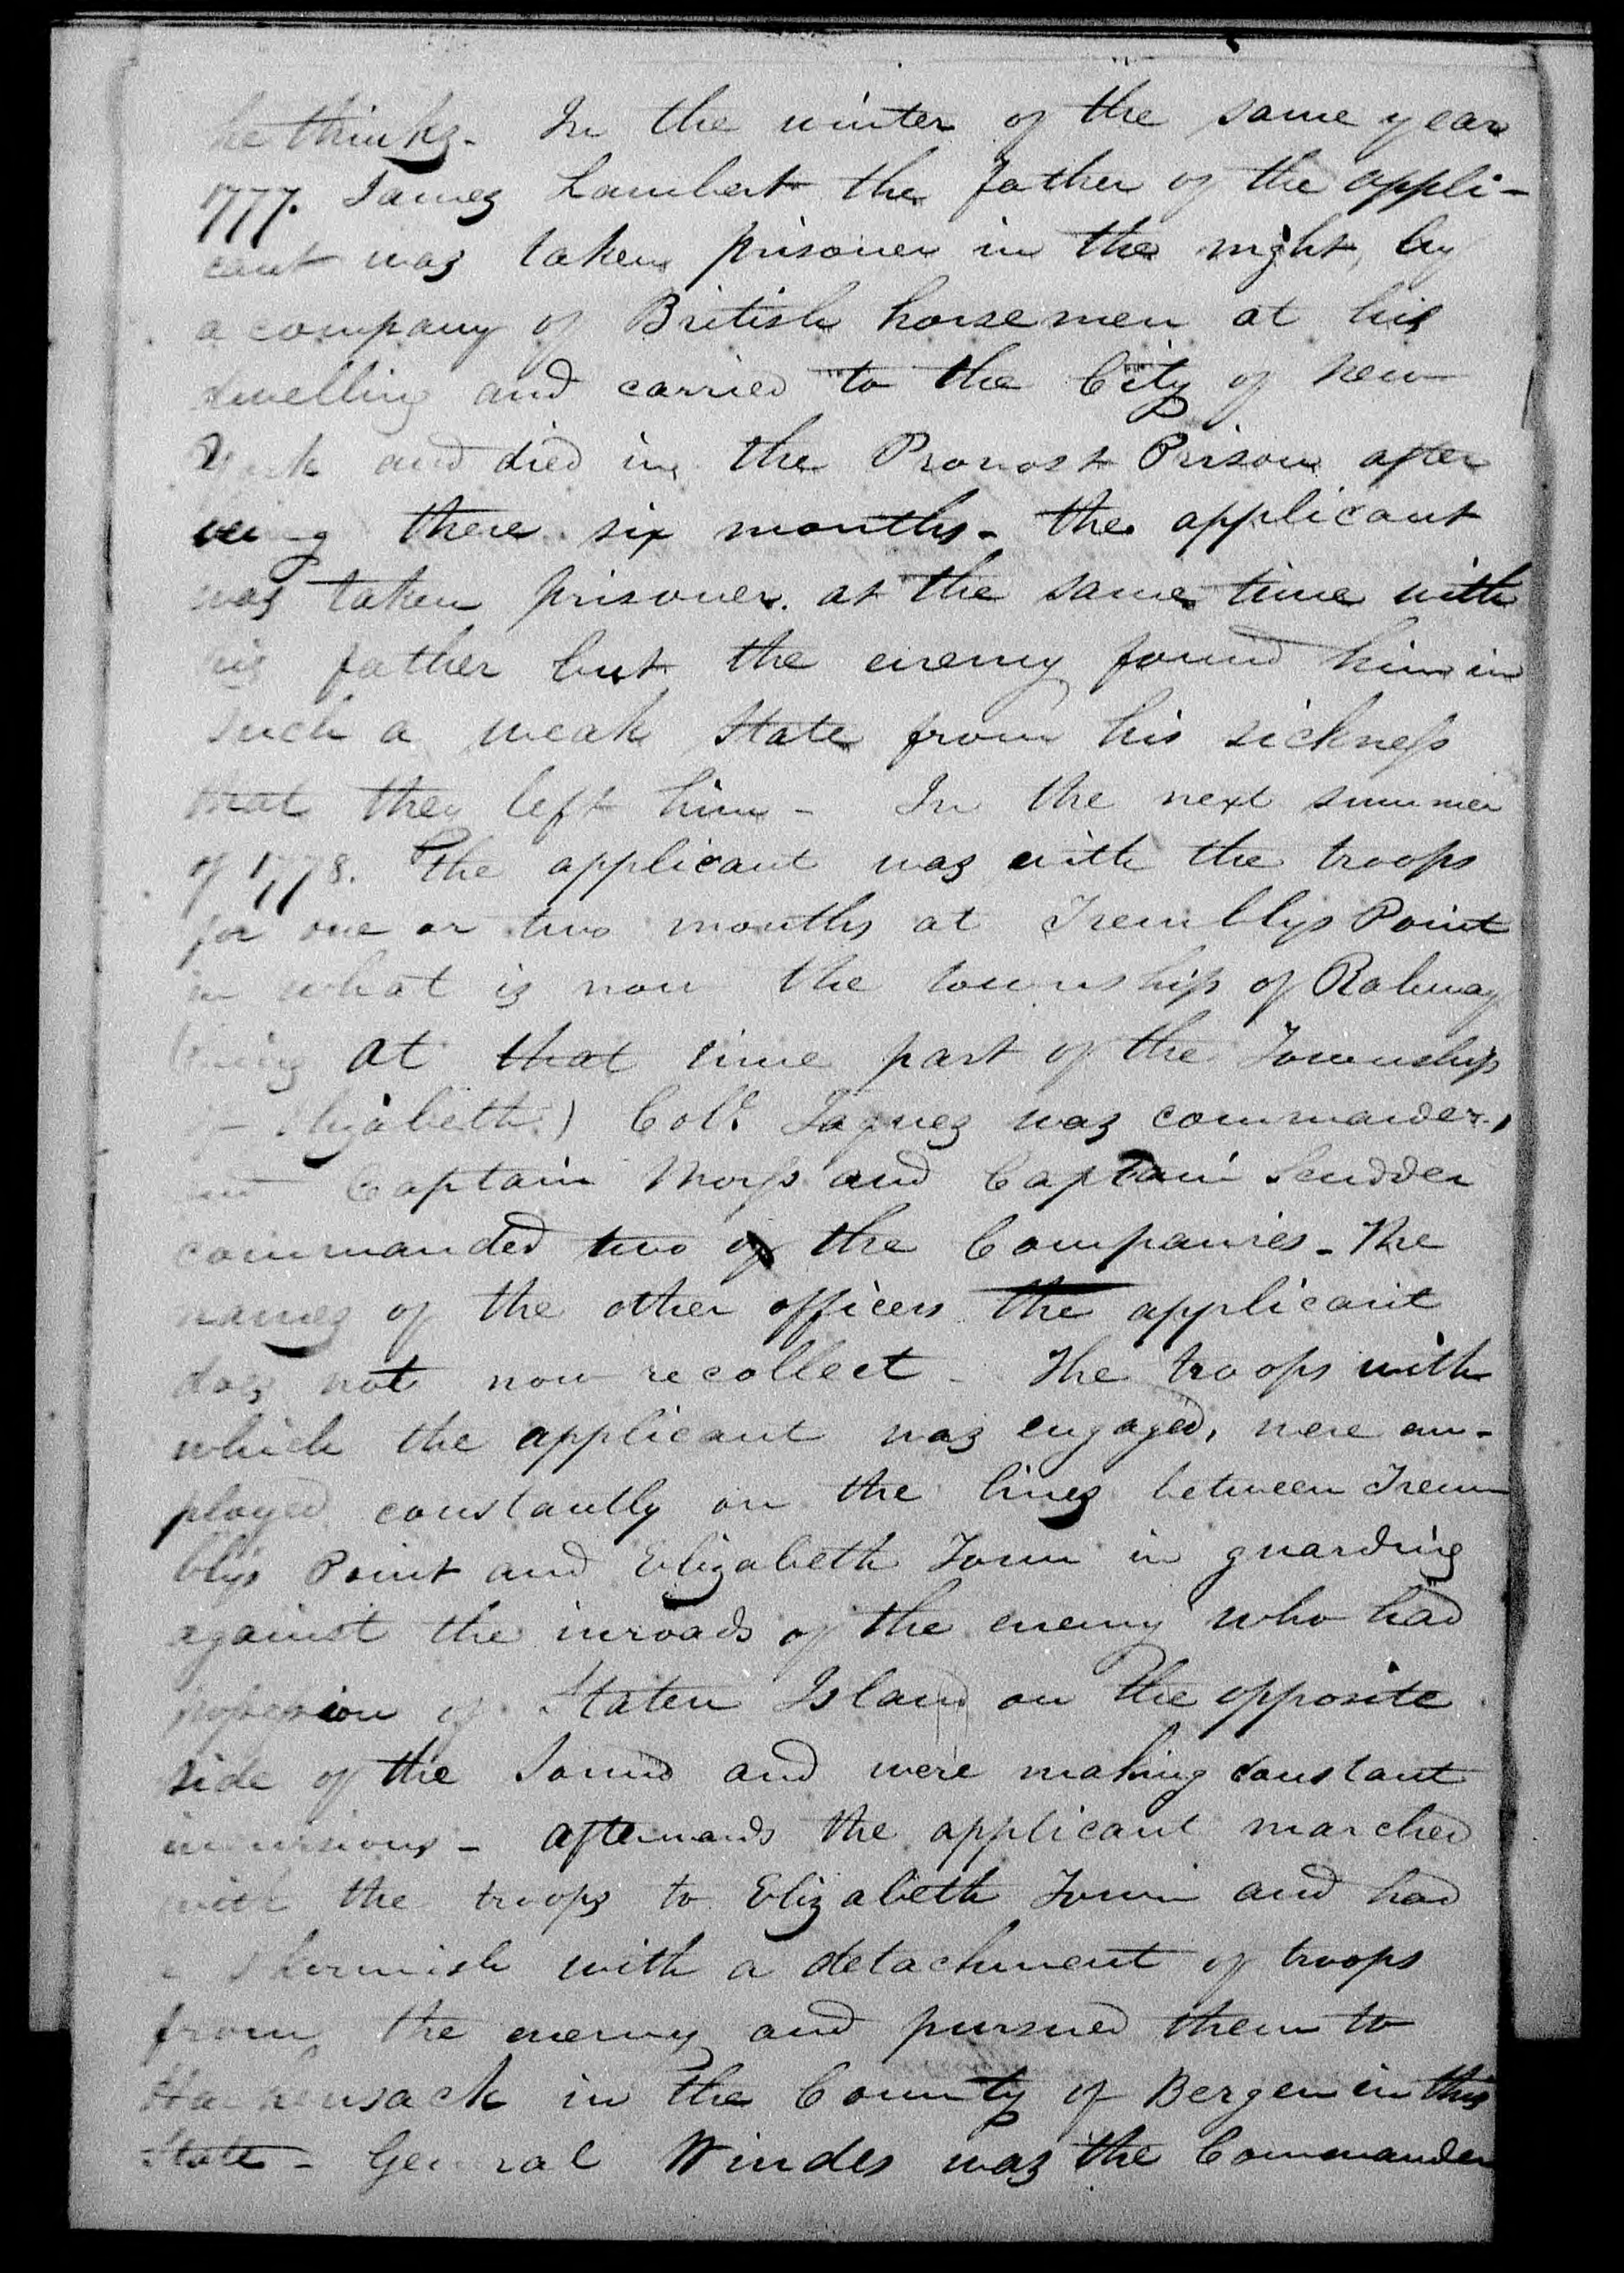he thinks. In the winter of the same year
1777. James Lambert the father of the applicant was taken prisoner in the night by
a company of British horsemen at his
dwelling and carried to the City of New York
and died in the Provost Prison after
being there six months. The applicant
was taken prisoner at the same time with
his father but the enemy found him in such a weak state from his sickness that they left him. In the next summer of 1778, the applicant was with the troops for one or two months at Trembly's Point in what is now the township of Rahway (being at that time part of the Township of Elizabeth) Col Jaquez was commander, and Captain Morse and Captain Scudder commanded two of the Companies. The names of the other officers the applicant
does not now recollect. The troops with
which the applicant was engaged, were employed constantly on the lines between Trembly's Point and Elizabeth Town in guarding
against the inroads of the enemy who had
possession of Staten Island on the opposite
side of the Sound and were making constant
incursions. Afterwards the applicant marched
with the troops to Elizabeth Town and had a skirmish with a detachment of troops from the enemy and pursued them the Hackensack in the County of Bergen in this State. Genral Winder was the Commander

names: [BLANK] Morss; James Lambert; [BLANK] Windes; [BLANK] Scudder; [BLANK] Jaques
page: 7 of 49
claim: widow's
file: W. 859, for James Lambert, New Jersey